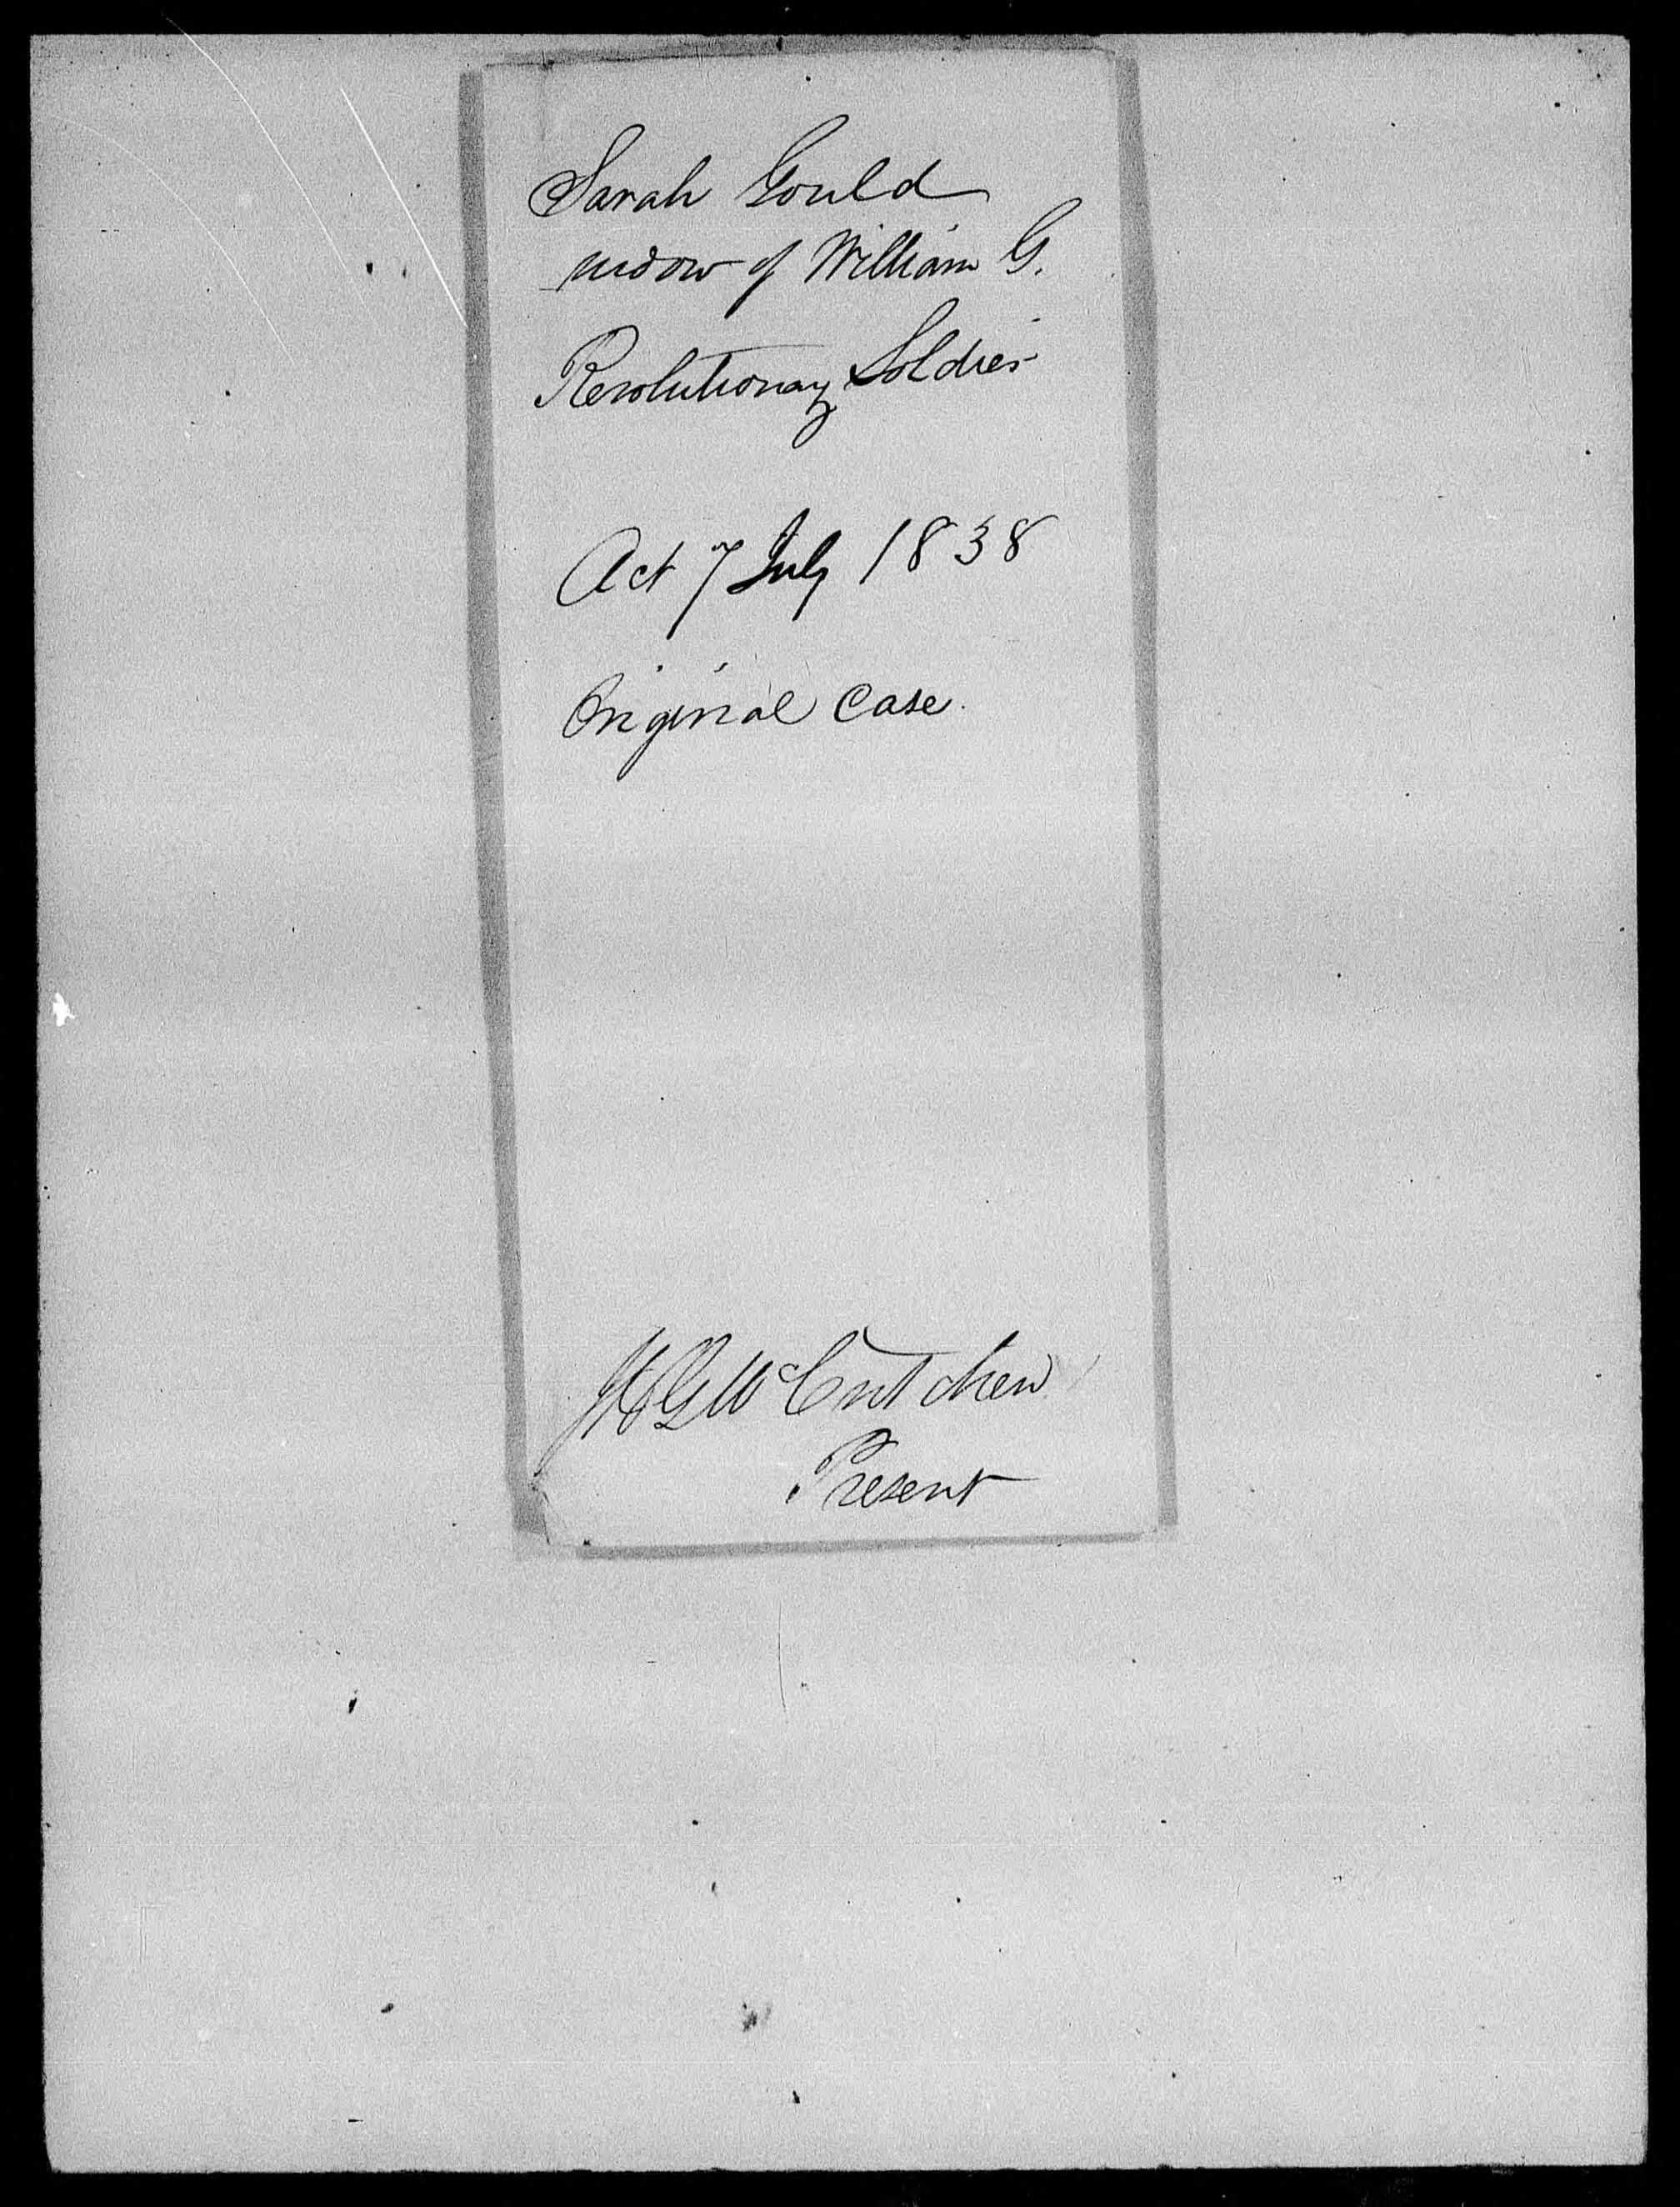Sarah Gould
widow of William G.
Revolutionary Soldier

Act 7 Huly 1838

Original case

[illegible signature]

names: William G Gould, J H G Mc Cutchen, Sarah Gould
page: 11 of 20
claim: rejected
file: R. 4,161, William Gould, New York